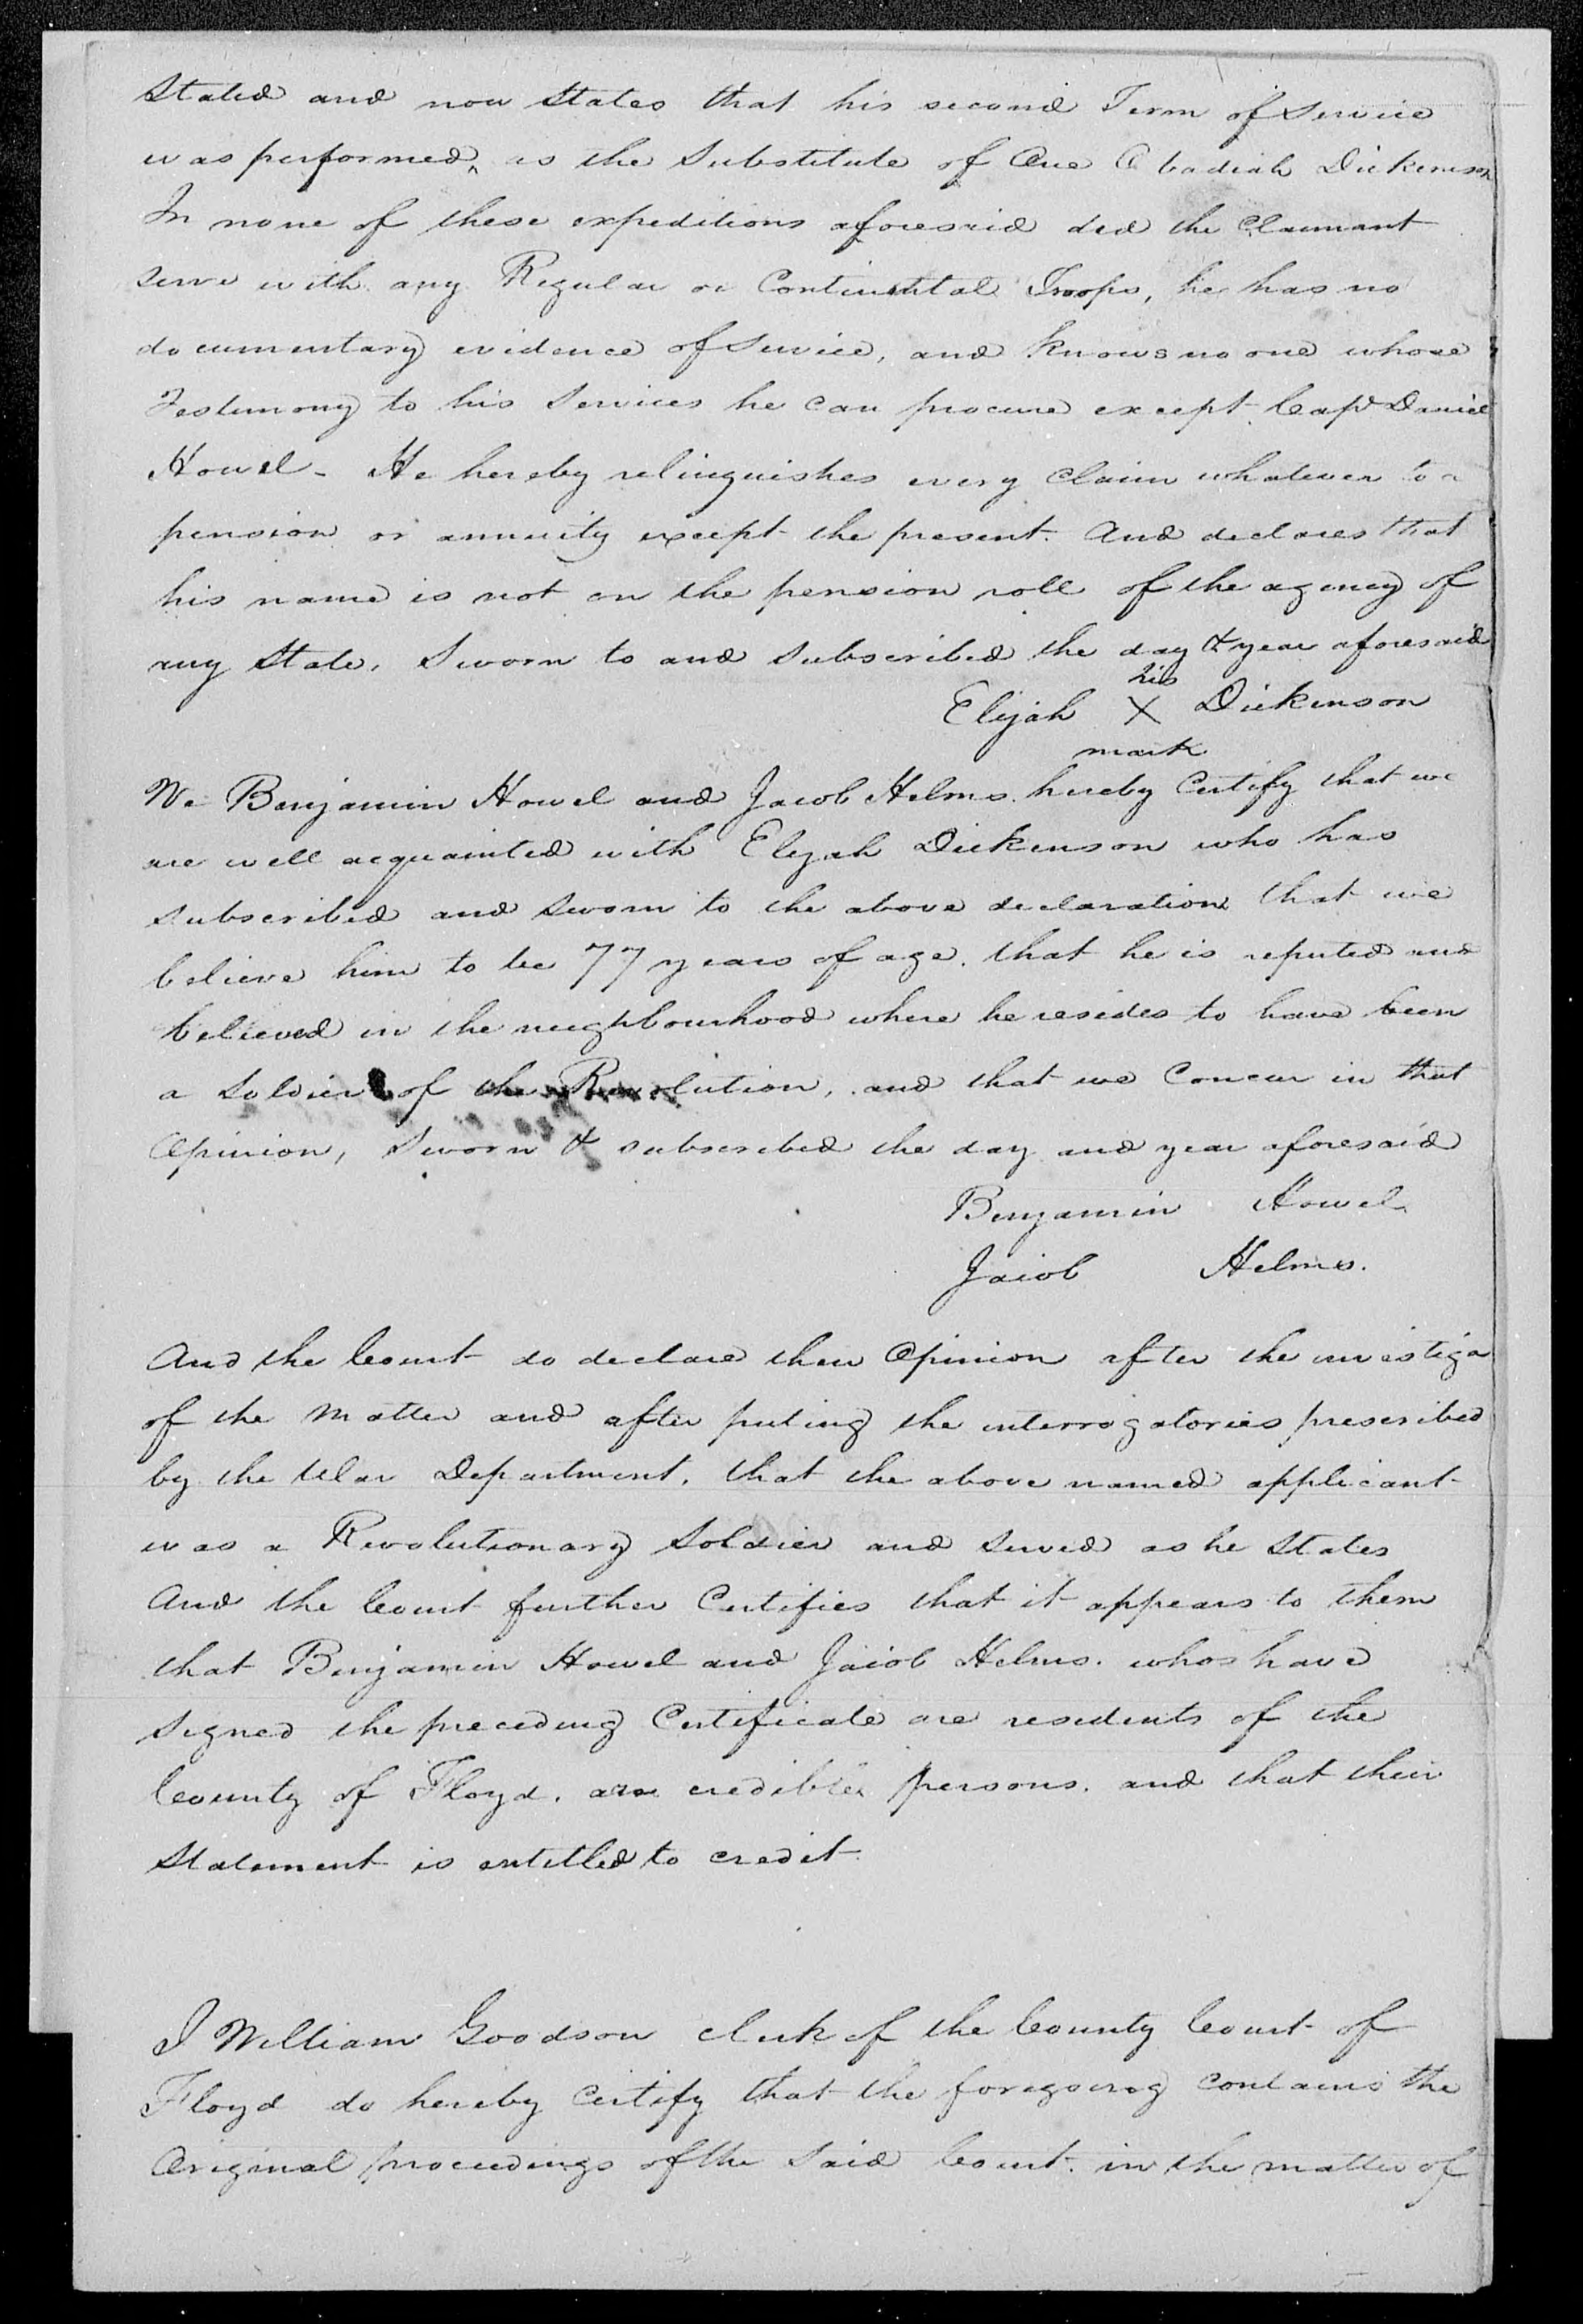stated and now states that his second Term of service was performed as the substitute of One Obadiah Dickenson. In none of these expeditions aforesaid did the Claimant serve with any Regular or Continental Troops, he has no documentary evidence of Service, and knows no one whose Testimony to his services he can procure except Capt Daniel Howell. He hereby relinquishes every claim whatever to a pension or annuity except the present. And declares that his name is not on the pension roll of the agency of any State, Sworn to and Subscribed the day & year aforesaid
Elijah Dickenson
x his mark

We Benjamin Jowel and Jacob Holms hereby Certify that we are well acquainted with Elijah Dickinson who has subscribed and sworn to the above declaration that we believe him to be 77 years of age, that he is reputed and believed in the neighbourhood where he resides to have been a Soldier of the Revolution, and that we Concur in that Opinion, Sworn & Subscribed the day and year aforesaid
Benjamin Howel
Jacob Helms.
And the Court do declare their Opinion after the investigation of the matter and after putting the interrogatories prescribed by the War Department, that the above named applicant was a Revolutionary Soldier and served as he states
And the Court further Certifies that it appears to them that Benjamin Howel and Jacob Helms who have signed the preceding Certificate are residents of the County of Floyd, are credible persons, and that their statement is entitled to credit.

I William Goodson Clerk of the County Court of Floyd do hereby Certify that the foregoing contains the Original proceedings of the Said Court in the matter of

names: Benjamin Howel, Benjamin Howel, Benjamin Howel, Elijah Dickenson, Jacob Helms, Jacob Helms, Daniel Howel, Obadiah Dickenson, Elijah Dickenson, William Goodson, Jacob Helms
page: 5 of 12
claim: survivor's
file: S. 6796, Elijah Dickenson, Va.